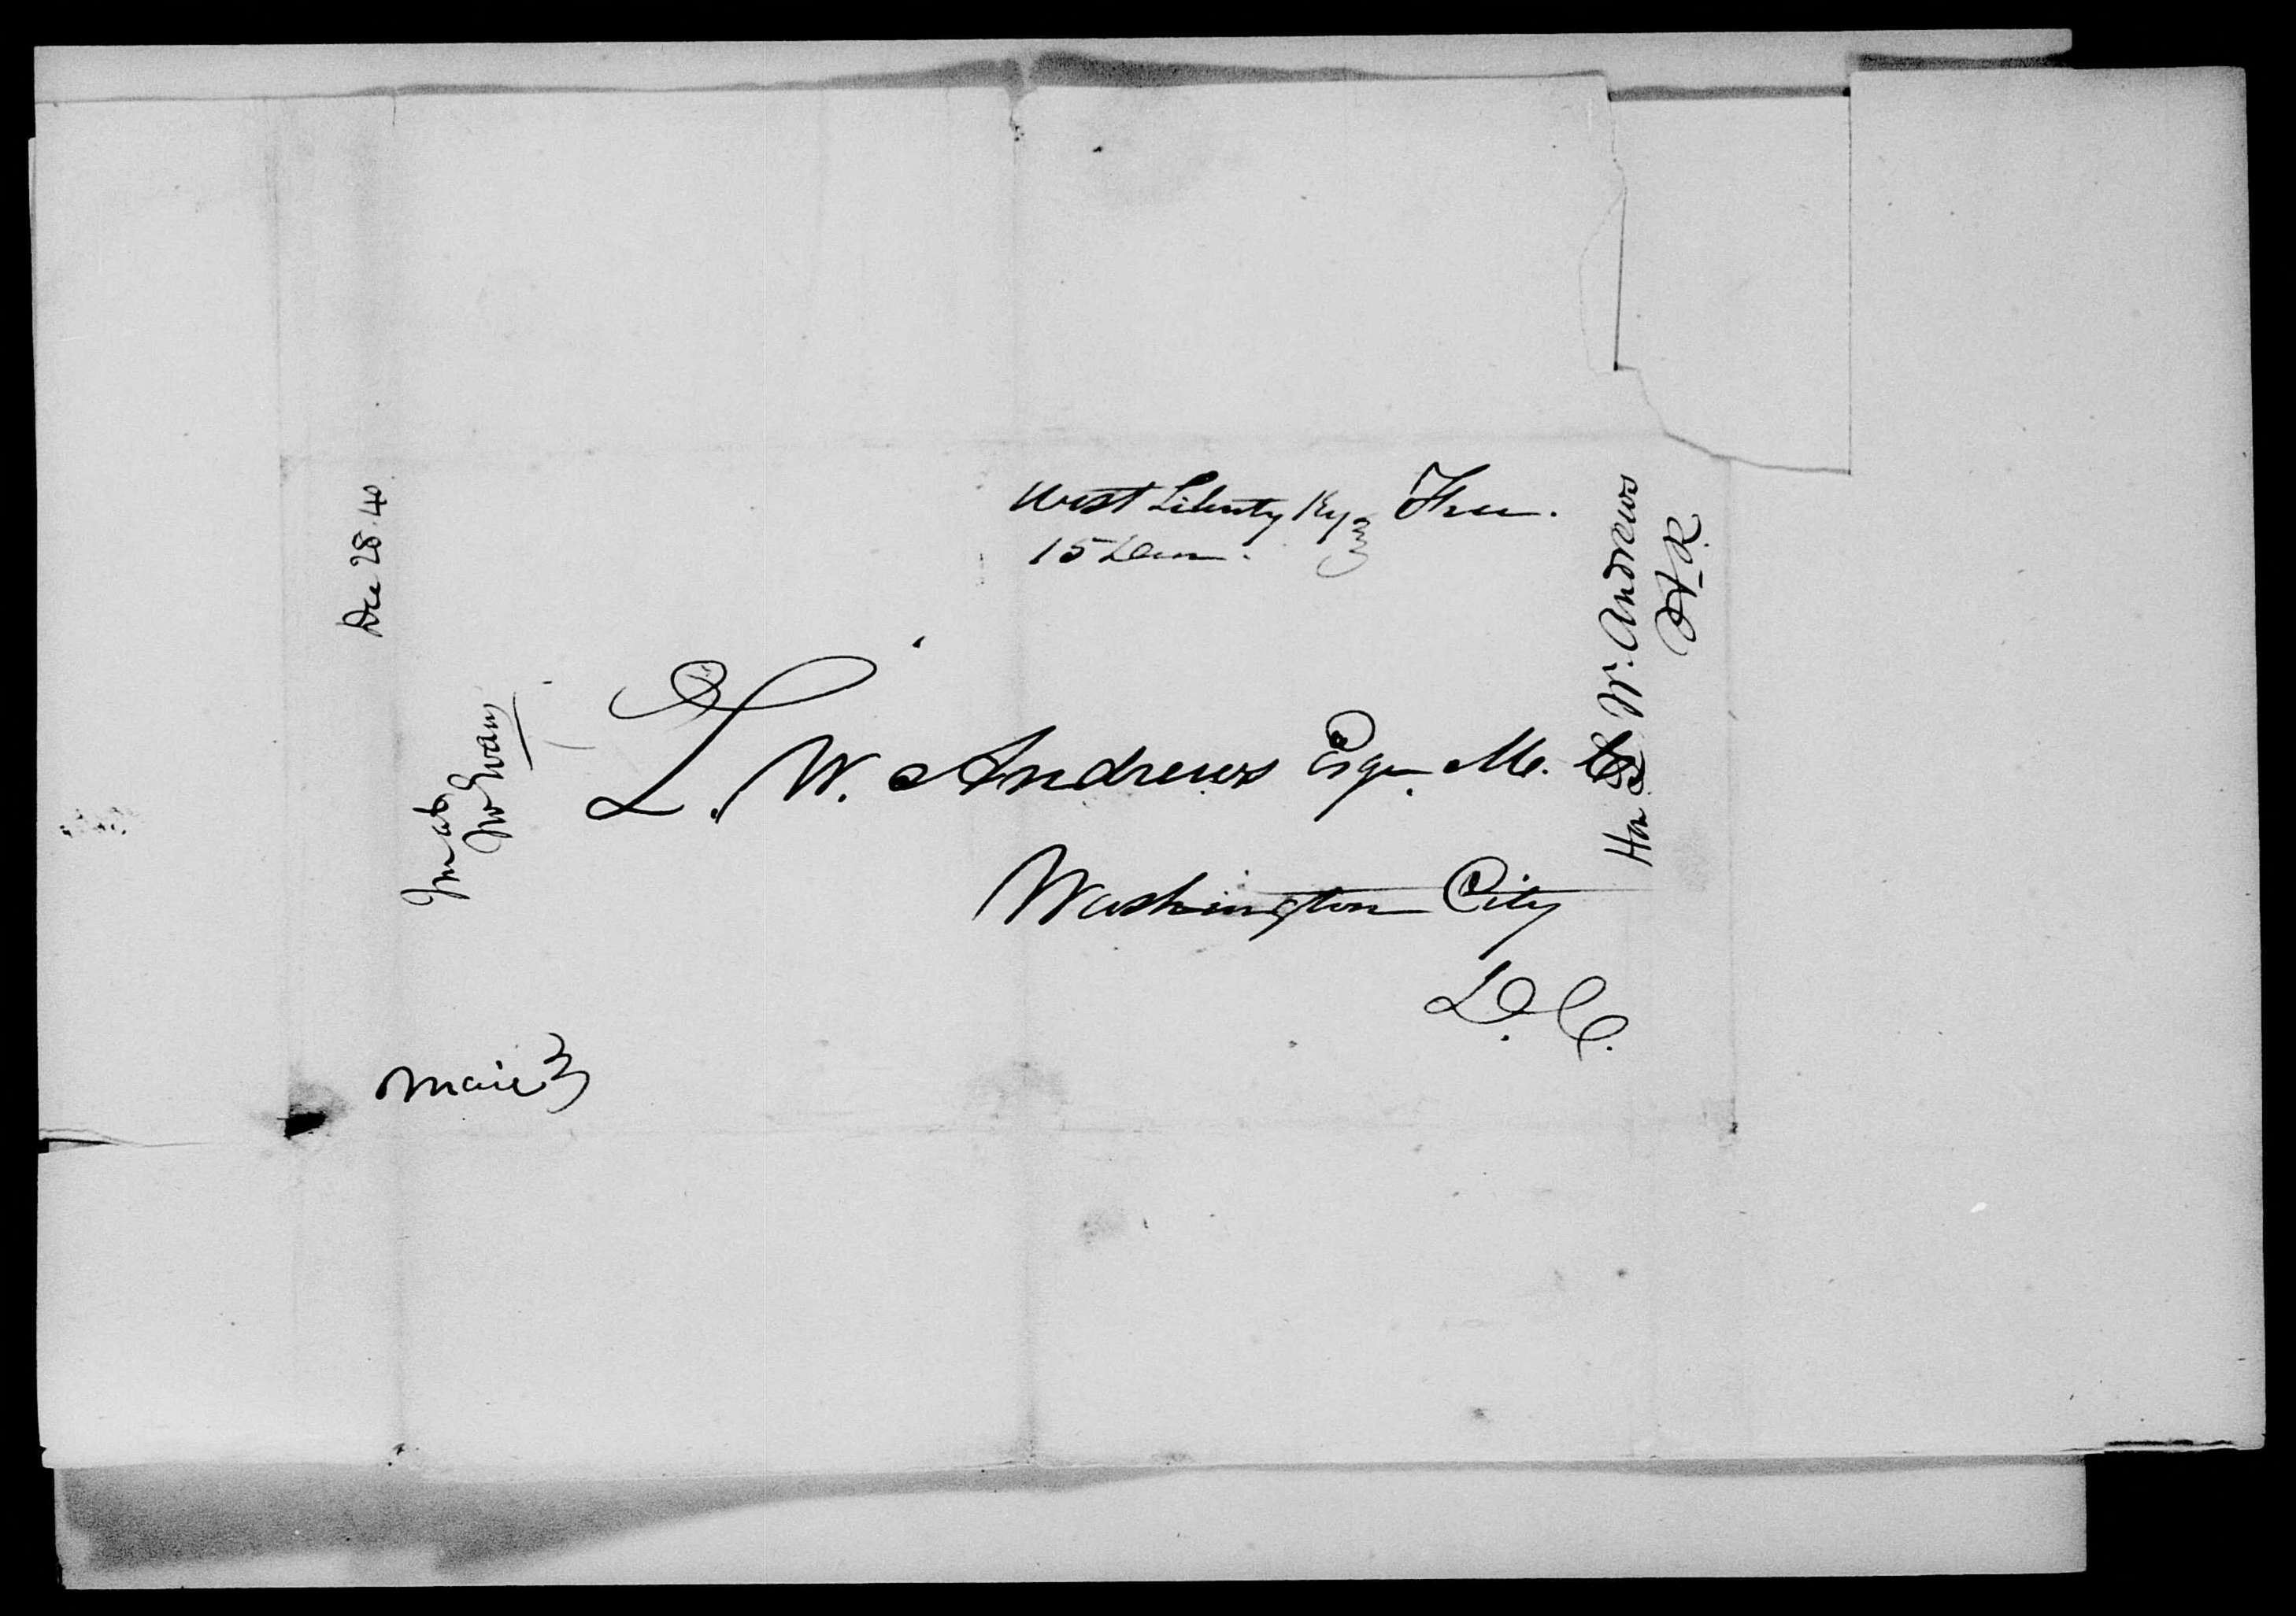West Liberty Ky} Free.
15 Decem.

L W. Andrews Esq M. C.
Washington City
D.C.
Mail}

Dec 28. 40
Mail to
Mr Evans
Hon L. W. Andrews
H.R.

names: [BLANK] Evans; L W Andrews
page: 32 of 35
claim: survivor's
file: S. 30,665, for John Prewett, Virginia